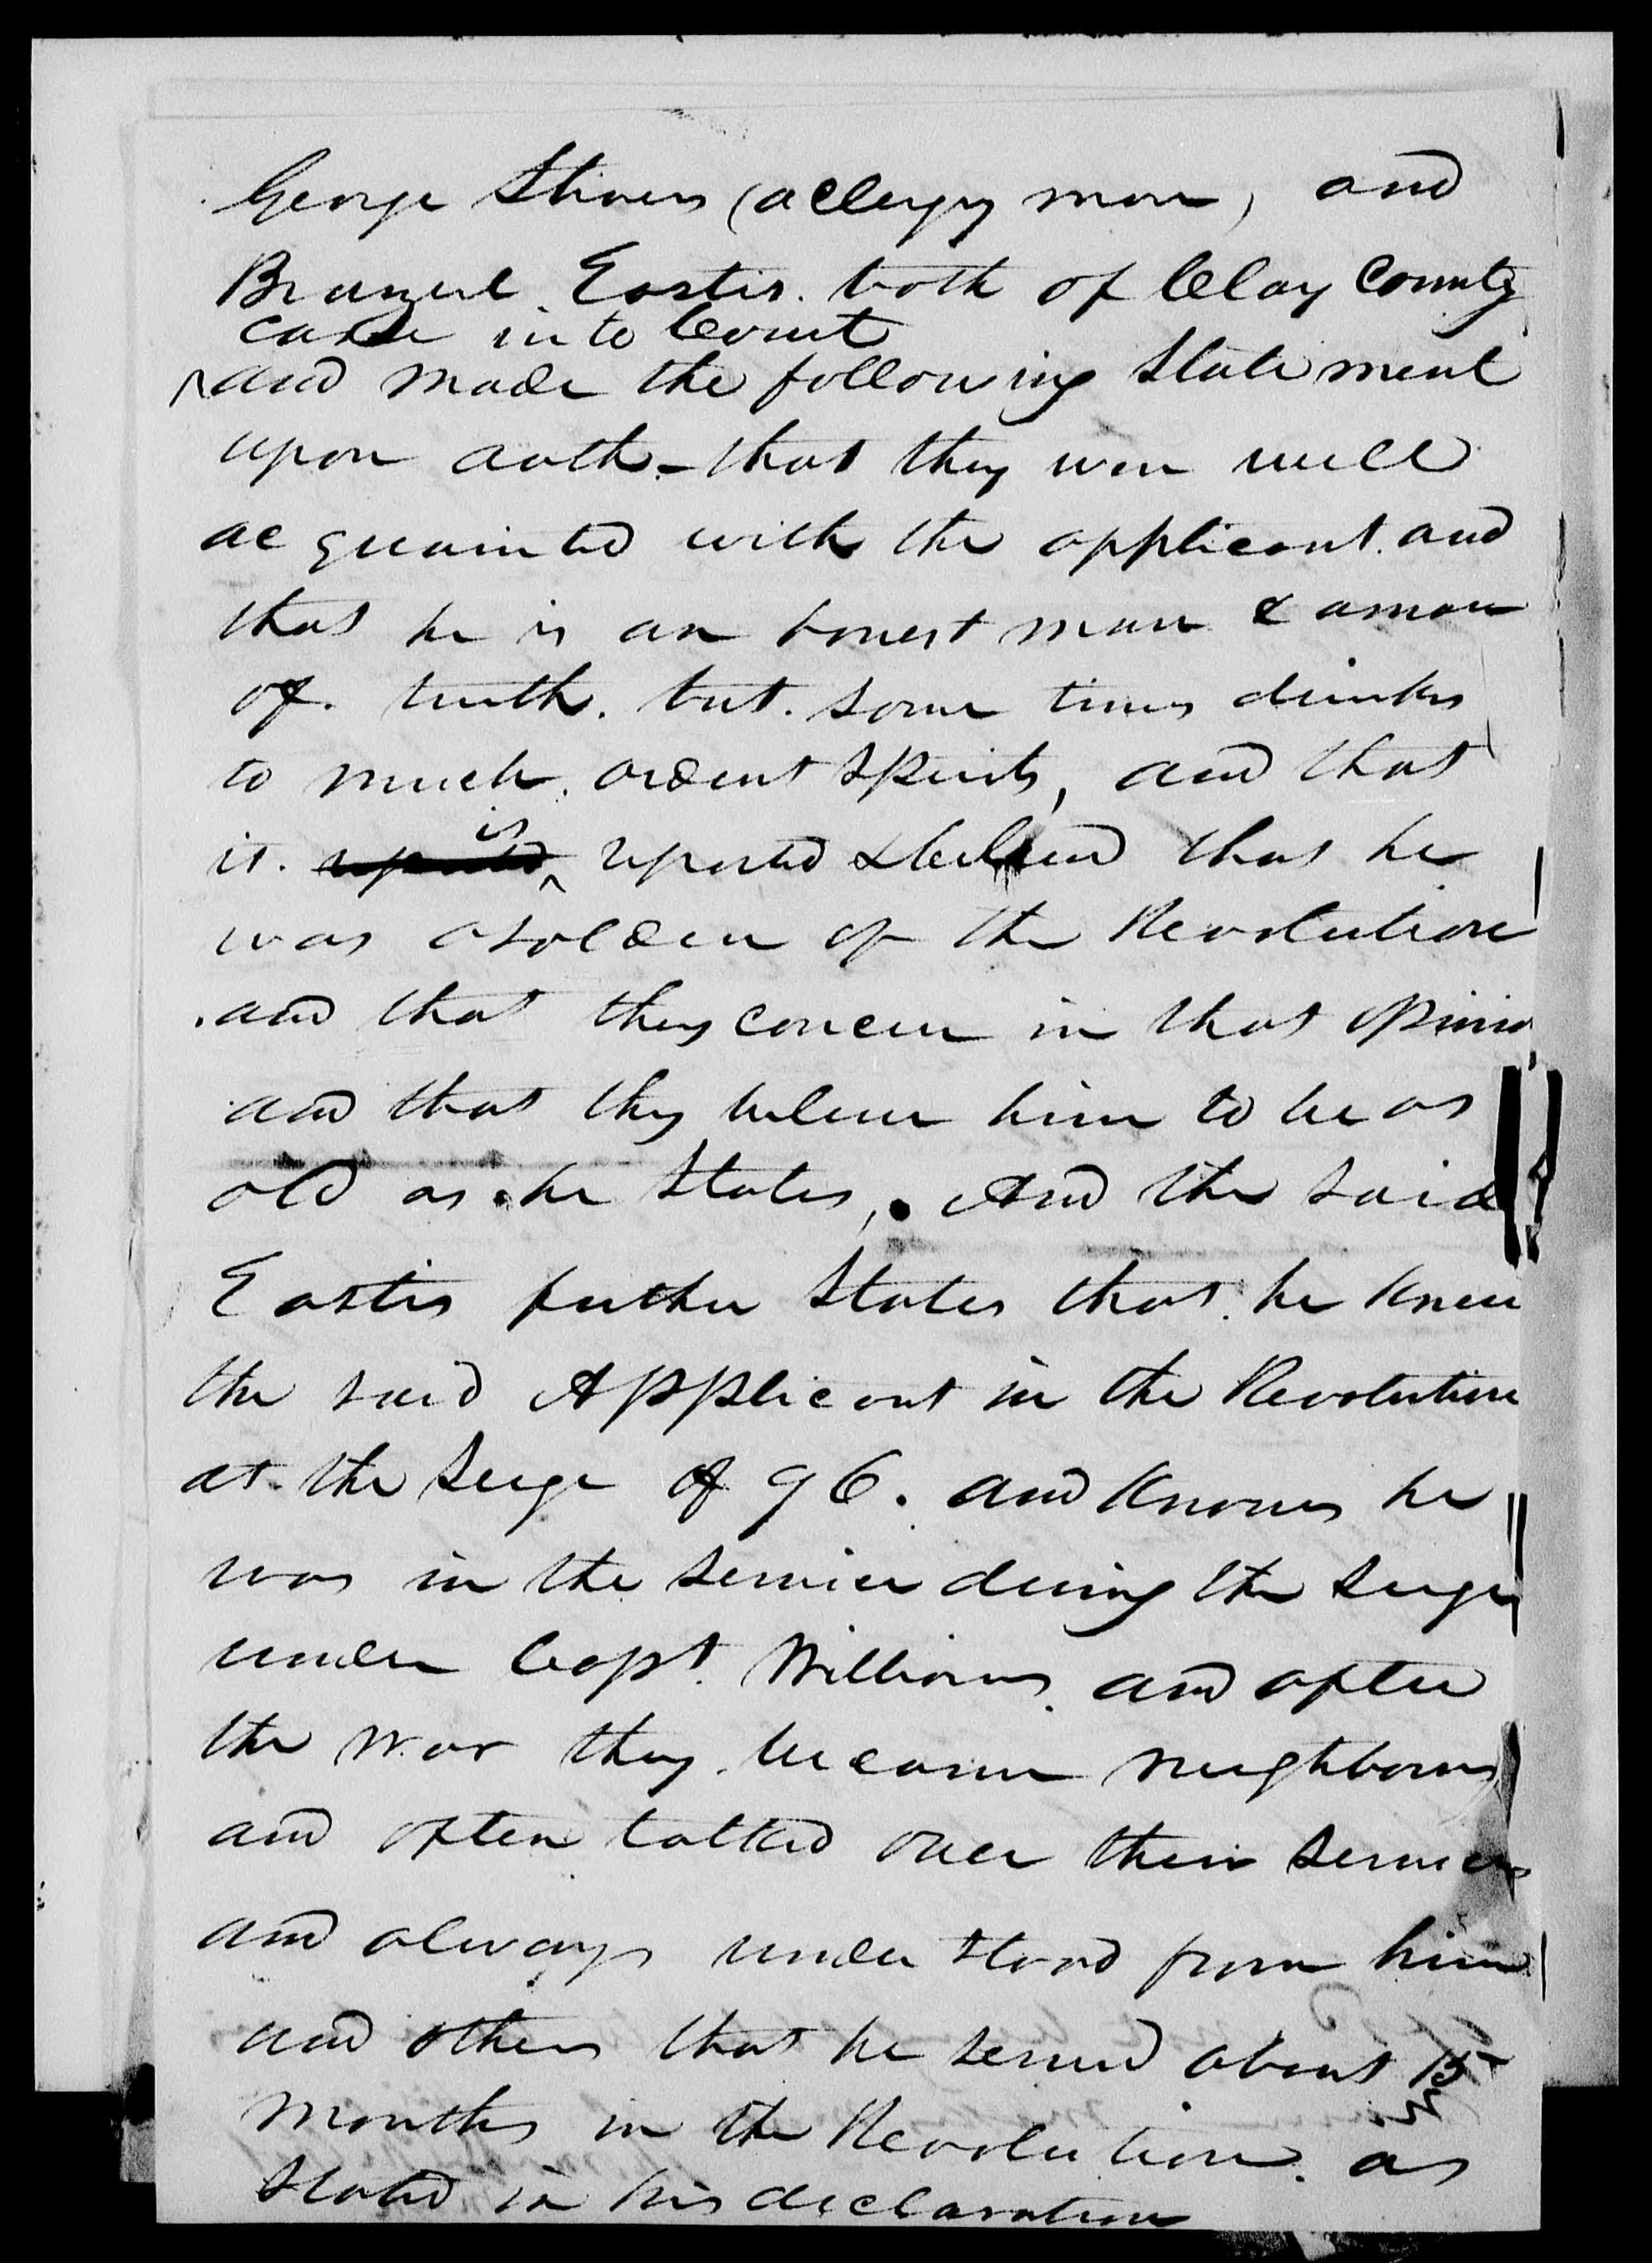George Stivers (a clergyman) and
Brazel Eastis both of Clay County
came into Court and made the following statement upon oath that they were well acquainted with the applicant and that he is an honest man & a man of truth, but some times drinks to much ardent spirits, and that it is reputed & believed that he
was a soldier of the Revolution
and that they concur in that opinion
and that they believe him to be as old
as he states And the said Eastis further states that he knew
the said Applicant in the Revolution
at the siege of 96 and knows he 
was in the service during the siege
under Capt [Daniel] Williams and after
the war they became neighbors and
often talked over their services and always understood from him and others that he served about 15
months in the Revolution as
stated his declaration.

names: [BLANK] Williams; Braziel Eostis; George Stivers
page: 9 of 43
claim: rejected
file: R. 8217, for Thomas Philpot, South Carolina